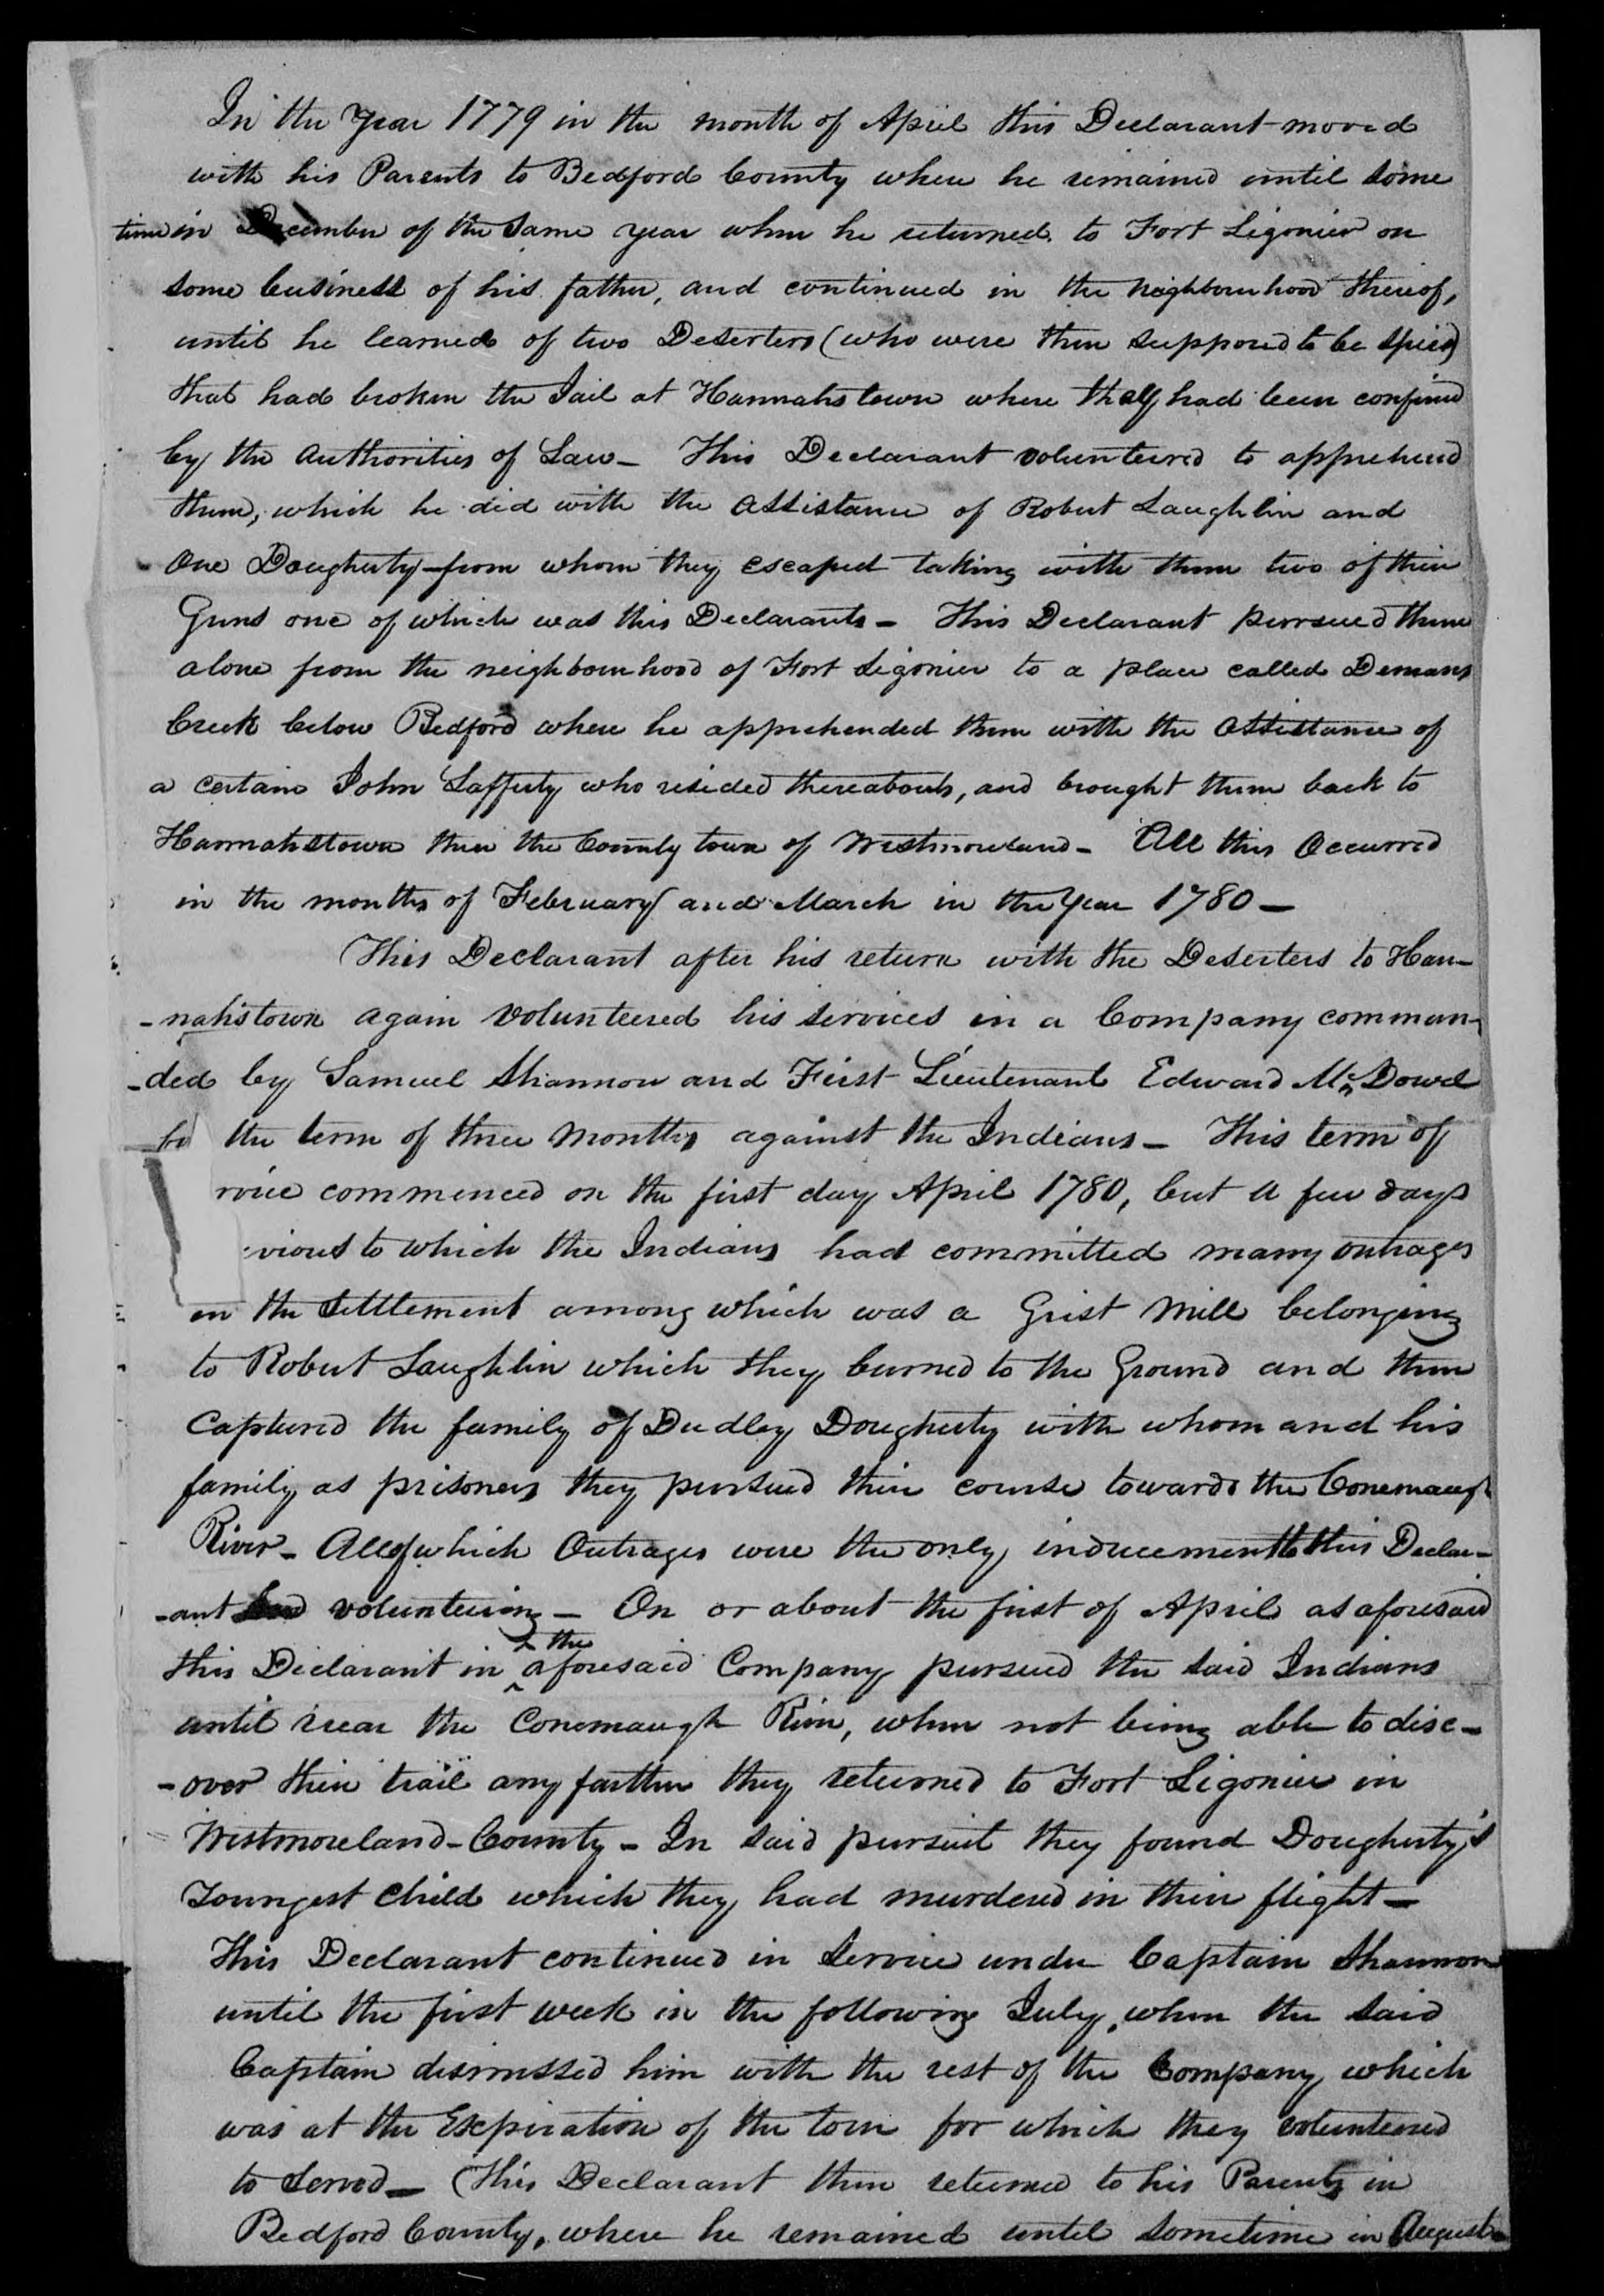[This page is out of order, it should follow the page that ends with “This Declarant was dismissed with the rest of the Company by their Captain after their performance of the said two months tour at Fort Leginier [Ligonier] in Westmoreland County-“]

In the year 1779 in the month of April this Declarant moved with his Parents to Bedford County where he remained until some time in December of the same year when he returned to Fort Ligonier on some business of his father, and continued in the neighbourhood thereof, until he learned of two Deserters (who were then supposed to be spies) that had broken the Jail at Hannahstown where they had been confined by the authorities of Law-- This Declarant volunteered to apprehend them, which he did with the assistance of Robert Laughlin and One Dougherty from whom they escaped taking with them two of their Guns one of which was this Declarants- This Declarant pursued them alone from the neighbourhood of Fort Ligonier to a place called Demans Creek below Bedford when he apprehended them with the assistance of a certain John Lafferty who resided thereabouts, and brought them back to Hannahstown then the County town of Westmoreland-- All this occurred in the month of February and March in the year 1780 –
This Declarant after his return with the Deserters to Hannahstown again volunteered his services in a Company commanded by Samuel Shannon and First Lieutenant Edward McDowel for the term of three months against the Indians- This term of [paper ripped]service commenced on the first day April 1780, but a few days [paper ripped]previous to which the Indians had committed many outrages in the settlement among which was a grist mill belonging to Robert Laughlin which they burned to the ground and then captured the family of Dudley Dougherty with whom and his family as prisoners they pursued their course towards the Conemaugh River- All of which outrages were the only inducement to this declarant [illegible] volunteering- On or about the first of April as aforesaid this Declarant in the aforesaid Company pursued the said Indians until near the Conemaugh River, when not being able to discover their trail any farther they returned to Fort Ligonier in Westmoreland County- In said pursuit they found Dougherty’s Youngest child which they had murdered in their flight- This Declarant continued in service under Captain Shannon until the first week in the following July, when the said Captain dismissed him with the rest of the Company which was at the Expiration of the tour for which they volunteered to served. (This Declarant then returned to his Parents in Bedford County, where he remained until sometime in August.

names: Samuel Shannon, Robert Laughlin, Shannon, John Lafferty, Robert Laughlin, Edward Mc Dowd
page: 12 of 92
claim: widow's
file: W 1173, Robert Hamill, Penn.